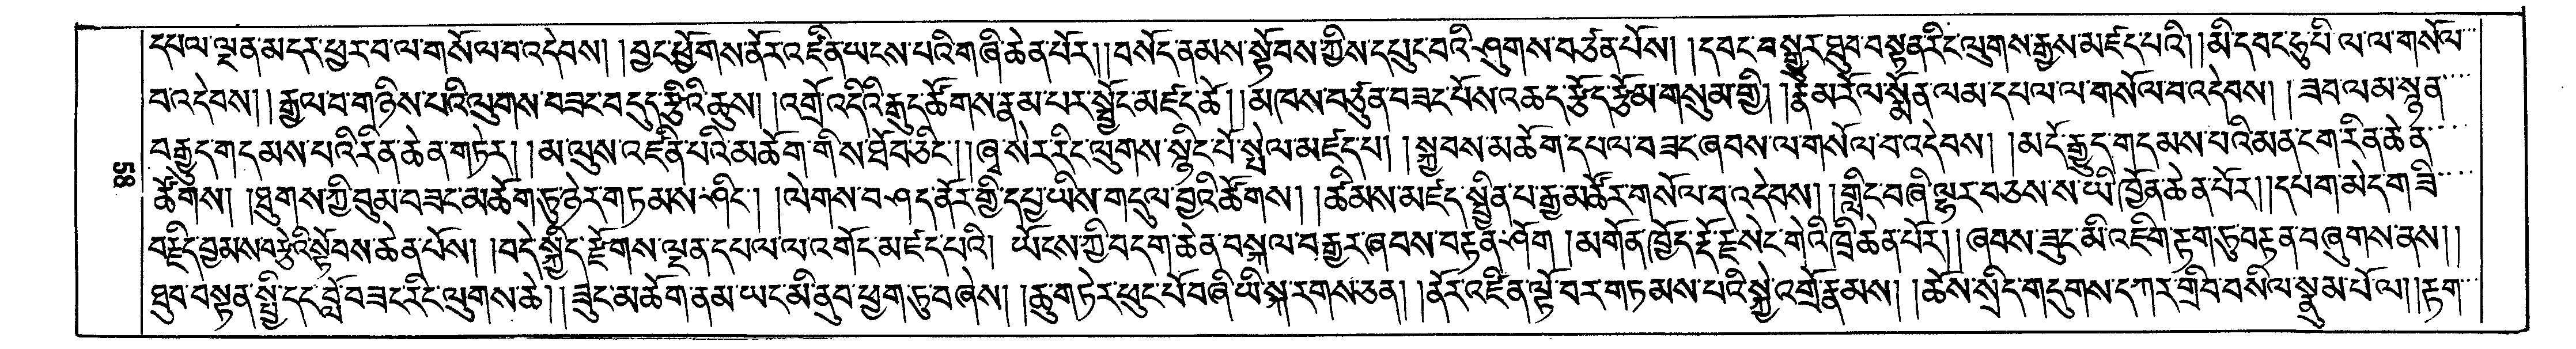དཔལ་ལྡན་མདར་ཕྱར་བ་ལ་གསོལ་བ་འདེབས། །བྱང་ཕྱོགས་ནོར་འཛིན་ཡངས་བའི་གཞི་ཆེན་པོར། །བསོད་ནམས་སྟོབས་ཀྱིས་དབུང་པའི་ཤུགས་བཙན་པོས། །དབང་བསྒྱུར་ཐུབ་བསྟན་རིང་ལུགས་རྒྱས་མཛད་པའི། །མི་དབང་ཧུ་པི་ལ་ལ་གསོལ་
བ་འདེབས། །རྒྱལ་བ་གཉིས་པའི་ལུགས་བཟང་བདུད་རྩིའི་ཆུས། །འགྲོ་འདིའི་རྒུད་ཚོགས་རྣམ་པར་སྦྱོང་མཛད་ཚེ། །མཁས་བཙུན་བཟང་པོས་འཆད་རྩོད་རྩོམ་གསུམ་གྱི། །རྣམ་རོལ་སྨོན་ལམ་དཔལ་ལ་གསོལ་བ་འདེབས། །ཟབ་ལམ་སྙན་
བརྒྱུད་གདམས་པའི་རིན་ཆེན་གཏེར། །མ་ལུས་འཛིན་པའི་མཆོག་གིས་ཐོབ་ཅིང་། །ཞྭ་སེར་རིང་ལུགས་སྙིང་པོ་སྤེལ་མཛད་པ། །སྐྱབས་མཆོག་དཔལ་བཟང་ཞབས་ལ་གསོལ་བ་འདེབས། །མདོ་རྒྱུད་གདམས་པའི་མན་ངག་རིན་ཆེན་
ཚོགས། །ཐུགས་ཀྱི་བུམ་བཟང་མཆོག་ཏུ་ཉེར་གཏམས་ཤིང་། །ལེགས་བཤད་ནོར་གྱི་དཔྱ་ཡིས་གདུལ་བྱའི་ཚོགས། །ཚིམས་མཛད་སྦྱིན་པ་རྒྱ་མཚོར་གསོལ་བ་འདེབས། །གླིང་བཞི་ལྷར་བཅས་ས་ཡི་ཁྱོན་ཆེན་པོར། །དཔག་མེད་གཟི་
བརྗིད་བྱམས་བརྩེའི་སྟོབས་ཆེན་པོས། །བདེ་སྐྱིད་རྫོགས་ལྡན་དཔལ་ལ་འགོད་མཛད་པའི། །ཡོངས་ཀྱི་བདག་ཆེན་བསྐལ་བརྒྱར་ཞབས་བརྟེན་ཤོག །མགོན་ཁྱོད་རྡོ་རྗེ་སེང་གེའི་ཁྲི་ཆེན་པོར། །ཞབས་ཟུང་མི་འཇིག་རྟག་ཏུ་བརྟན་བཞུགས་ནས།།
ཐུབ་བསྟན་སྤྱི་དང་བློ་བཟང་རིང་ལུགས་ཆེ། །ཟུང་མཆོག་ནམ་ཡང་མི་ནུབ་ཕྱག་ཏུ་བཞེས། །ཆུ་གཏེར་ཕུང་པོ་བཞི་ཡི་སྐ་རགས་ཅན། །ནོར་འཛིན་ལྟོ་བར་གཏམས་པའི་སྐྱེ་འགྲོ་རྣམས། །ཆོས་སྲིད་གདུགས་དཀར་གྲིབ་བསིལ་སྣུམ་པོ་ལ། །རྟག་